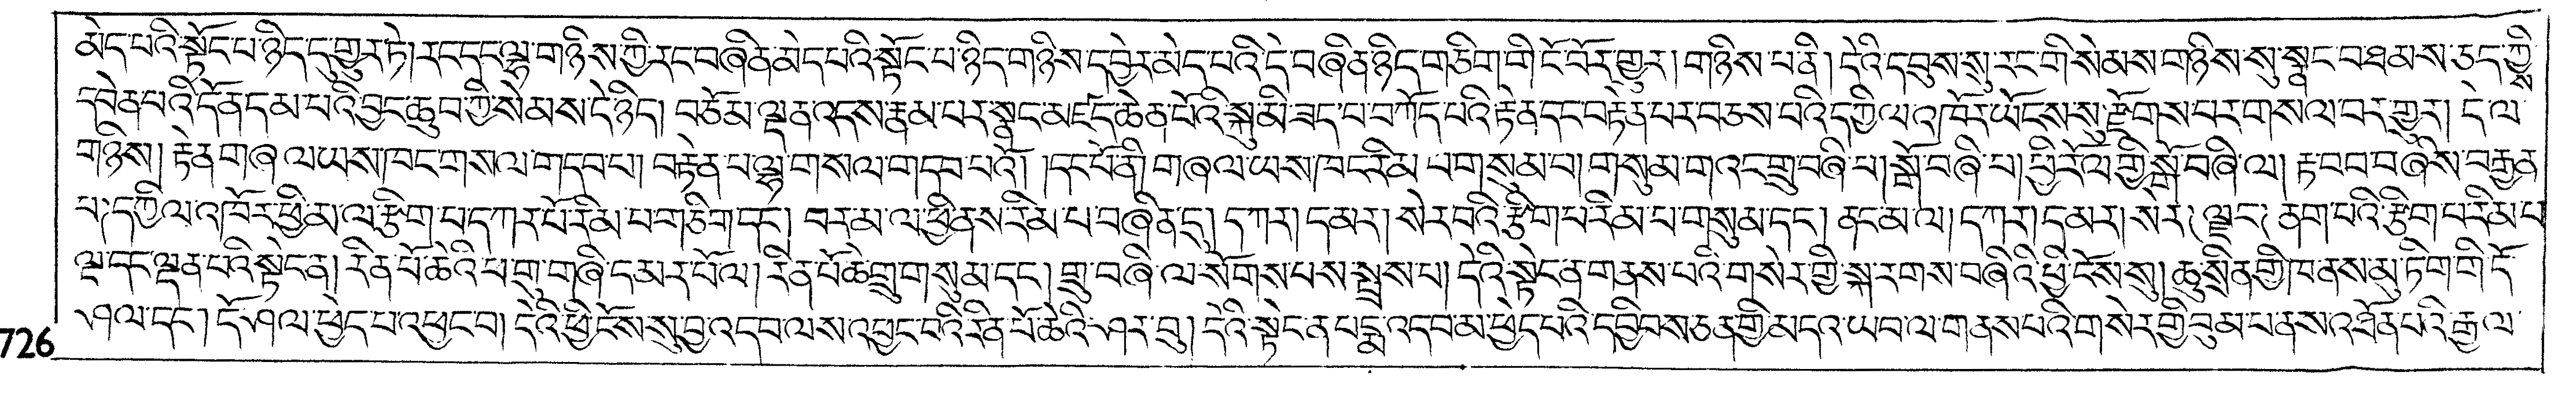མེད་པའི་སྟོང་པ་ཉིད་དུ་གྱུར་ཏེ། རང་དང་ལྷ་གཉིས་ཀྱི་རང་བཞིན་མེད་པའི་སྟོང་པ་ཉིད་གཉིས་དབྱེར་མེད་པའི་དེ་བཞིན་ཉིད་གཅིག་གི་ངོ་བོར་གྱུར། གཉིས་པ་ནི། དེའི་དབུས་སུ་རང་གི་སེམས་གཉིས་སུ་སྣང་བ་ཐམས་ཅད་ཀྱིས་
དབེན་པའི་དོན་དམ་པའི་བྱང་ཆུབ་ཀྱི་སེམས་དེ་ཉིད། བཅོམ་ལྡན་འདས་རྣམ་པར་སྣང་མཛད་ཆེན་པོའི་སྐུ་མི་ཟད་པ་བཀོད་པའི་རྟེན་དང་བརྟེན་པར་བཅས་པའི་དཀྱིལ་འཁོར་ཡོངས་སུ་རྫོགས་པར་གསལ་བར་གྱུར། དེ་ལ་
གཉིས། རྟེན་གཞལ་ཡས་ཁང་གསལ་གདབ་པ། བརྟེན་པ་ལྷ་གསལ་གདབ་པའོ། །དང་པོ་ནི། གཞལ་ཡས་ཁང་རིམ་པ་གསུམ་པ། གསུམ་གའང་གྲུ་བཞི་པ། སྒོ་བཞི་པ། ཕྱི་རོལ་གྱི་སྒོ་བཞི་ལ། རྟ་བབ་བཞིས་བརྒྱན་
པ༑ དཀྱིལ་འཁོར་ཕྱི་མ་ལ་རྩིག་པ་དཀར་པོ་རིམ་པ་གཅིག་དང་། བར་མ་ལ་ཕྱི་ནས་རིམ་པ་བཞིན་དུ། དཀར། དམར། སེར་བའི་རྩིག་པ་རིམ་པ་གསུམ་དང་། ནང་མ་ལ། དཀར། དམར། སེར། ལྗང་། ནག་པའི་རྩིག་པ་རིམ་པ་
ལྔ་དང་ལྡན་པའི་སྟེང་ན། རིན་པོ་ཆེའི་ཕ་གུ་གཞི་དམར་པོ་ལ། རིན་པོ་ཆེ་གྲུ་གསུམ་དང་། གྲུ་བཞི་ལ་སོགས་པས་སྤྲས་པ། དེའི་སྟེང་ན་གནས་པའི་གསེར་གྱི་སྐ་རགས་བཞིའི་ཕྱི་ངོས་སུ། ཆུ་སྲིན་གྱི་ཁ་ནས་མུ་ཏིག་གི་དོ་
ཤལ་དང་། དོ་ཤལ་ཕྱེད་པ་འཕྱང་བ། དེའི་ཕྱི་ངོས་སུ་བྱ་འདབ་ལས་འཕྱང་བའི་རིན་པོ་ཆེའི་ཤར་བུ། དེའི་སྟེང་ན་པདམ་འདབ་མ་ཕྱེད་པའི་དབྱིབས་ཅན་གྱི་མདའ་ཡབ་ལ་གནས་པའི་གསེར་གྱི་བུམ་པ་ནས་འཐོན་པའི་རྒྱལ་